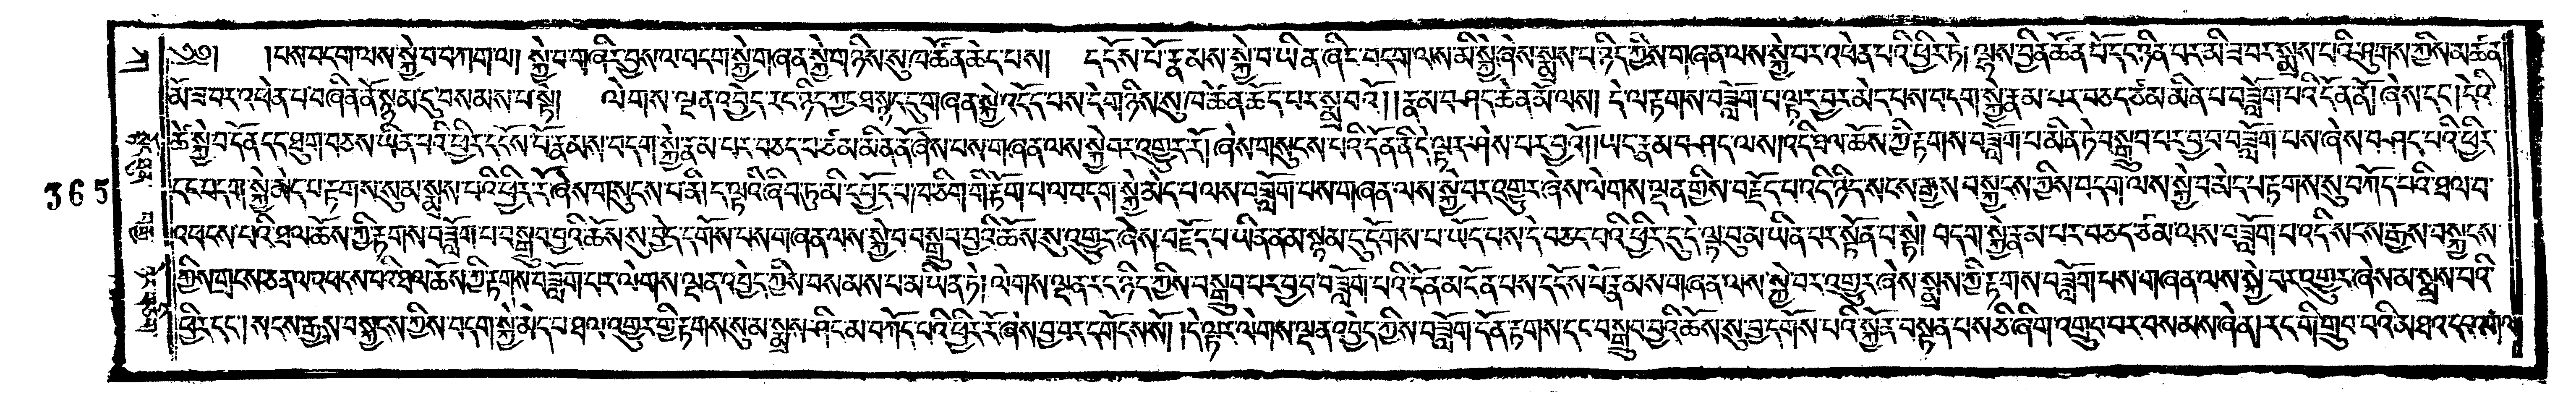༄༅། །པས་བདག་ལས་སྐྱེ་བ་བཀག་ལ། སྐྱེ་བ་གཞིར་བྱས་ལ་བདག་སྐྱེ་གཞན་སྐྱེ་གཉིས་སུ་ཁ་ཚོན་ཆེད་པས། དངོས་པོ་རྣམས་སྐྱེ་བ་ཡིན་ཞིང་བདག་ལས་མི་སྐྱེ་ཞེས་སྨྲས་པ་ཉིད་ཀྱིས་གཞན་ལས་སྐྱེ་བར་འཕེན་པའི་ཕྱིར་ཏེ། ལྷས་བྱིན་ཚོན་པོ་དང་ཉིན་པར་མི་ཟ་བར་སྨྲས་པའི་ཤུགས་ཀྱིས་མཚན་
མོ་ཟ་བར་འཕེན་པ་བཞིན་ནོ་སྙམ་དུ་བསམས་པ་སྟེ། ལེགས་ལྡན་འབྱེད་རང་ཉིད་ཀྱང་ཐ་སྙད་དུ་གཞན་སྐྱེ་འདོད་པས་དེ་གཉིས་སུ་ཁ་ཚེན་ཆོད་པར་སྨྲ་བའོ། །རྣམ་བཤད་ཆེན་མོ་ལས། དེ་ལ་རྟགས་བཟློག་པ་ལྟར་བྱར་མེད་པས་བདག་སྐྱེ་རྣམ་པར་བཅད་ཙམ་མིན་པ་བཟླེག་པའི་དོན་ནོ། ཞེས་དང་། དེའི་
ཚེ་སྐྱེ་བ་དོན་དང་ཐུག་བཅས་ཡིན་པའི་ཕྱིར་དངོས་པོ་རྣམས་བདག་སྐྱེ་རྣམ་པར་བཅད་པ་ཙམ་མིན་ནོ་ཞེས་པས་གཞན་ལས་སྐྱེ་བར་འགྱུར་རོ། ཞེས་གསུངས་པའི་དོན་ནི་དེ་ལྟར་ཤེས་པར་བྱའོ། །ཡང་རྣམ་བཤད་ལས། འདི་ཐལ་ཆོས་ཀྱི་རྟགས་བཟློག་པ་མིན་ཏེ་བསྒྲུབ་པར་བྱ་བ་བཟློག་པས་ཞེས་བཤད་པའི་ཕྱིར་
དང་བདག་སྐྱེ་མེད་པ་རྟགས་སུ་མ་སྨྲས་པའི་ཕྱིར་རོ་ཞེས་གསུངས་པ་མི་ད་ལྟའི་ཞིབ་ཏུ་མི་དཔྱོད་པ་ཁ་ཅིག་གི་རྟོག་པ་ལ་བདག་སྐྱེ་མེད་པ་ལས་བཟློག་པས་གཞན་ལས་སྐྱེ་བར་འགྱུར་ཞེས་ལེགས་ལྡན་གྱིས་བརྗོད་པ་འདི་ཉིད་སངས་རྒྱས་བསྐྱངས་ཀྱིས་བདག་ལས་སྐྱེ་བ་མེད་པ་རྟགས་སུ་བཀོད་པའི་ཐལ་བ་
འཕངས་པའི་ཐལ་ཆོས་ཀྱི་རྟགས་བཟློག་པ་བསྒྲུབ་བྱའི་ཆོས་སུ་བྱེད་དགོས་པས་གཞན་ལས་སྐྱེ་བ་བསྒྲུབ་བྱའི་ཆོས་སུ་འགྱུར་ཞེས་བརྗོད་པ་ཡིན་ནམ་སྙམ་དུ་དོགས་པ་ཡོད་པས་དེ་བཅད་པའི་ཕྱིར་དུ་དེ་ལྟ་བུ་མ་ཡིན་པར་སྟོན་པ་སྟེ། བདག་སྐྱེ་རྣམ་པར་བཅད་ཙམ་ལས་བཟློག་པ་འདི་སངས་རྒྱས་བསྐྱངས་
ཀྱིས་གྲངས་ཅན་ལ་འཕངས་པའི་ཐལ་ཆོས་ཀྱི་རྟགས་བཟློག་པར་ལེགས་ལྡན་འབྱེད་ཀྱིས་བསམས་པ་མ་ཡིན་ཏེ། ལེགས་ལྡན་རང་ཉིད་ཀྱིས་བསྒྲུབ་པར་བྱ་བ་བཟློག་པའི་དོན་མདོན་པས་དངོས་པོ་རྣམས་གཞན་ལས་སྐྱེ་བར་འགྱུར་ཞེས་སྨྲས་ཀྱི་རྟགས་བཟློག་པས་གཞན་ལས་སྐྱེ་བར་འགྱུར་ཞེས་མ་སྨྲས་པའི་
ཕྱིར་དང་། སངས་རྒྱས་བསྐྱངས་ཀྱིས་བདག་སྐྱེ་མེད་པ་ཐལ་འགྱུར་གྱི་རྟགས་སུ་མ་སྨྲས་ཤིང་མ་བཀོད་པའི་ཕྱིར་རོ་ཞེས་བྱ་བར་དགོངས་སོ། །དེ་ལྟར་ལེགས་ལྡན་འབྱེད་ཀྱིས་བཟློག་དོན་རྟགས་དང་བསྒྲུབ་བྱའི་ཆོས་སུ་བྱ་དགོས་པའི་སྐྱོན་བསྟན་པས་ཅི་ཞིག་འགྲུབ་བར་བསམས་ཞེ་ན། རང་གི་གྲུབ་པའི་མཐའ་དང་འགལ་